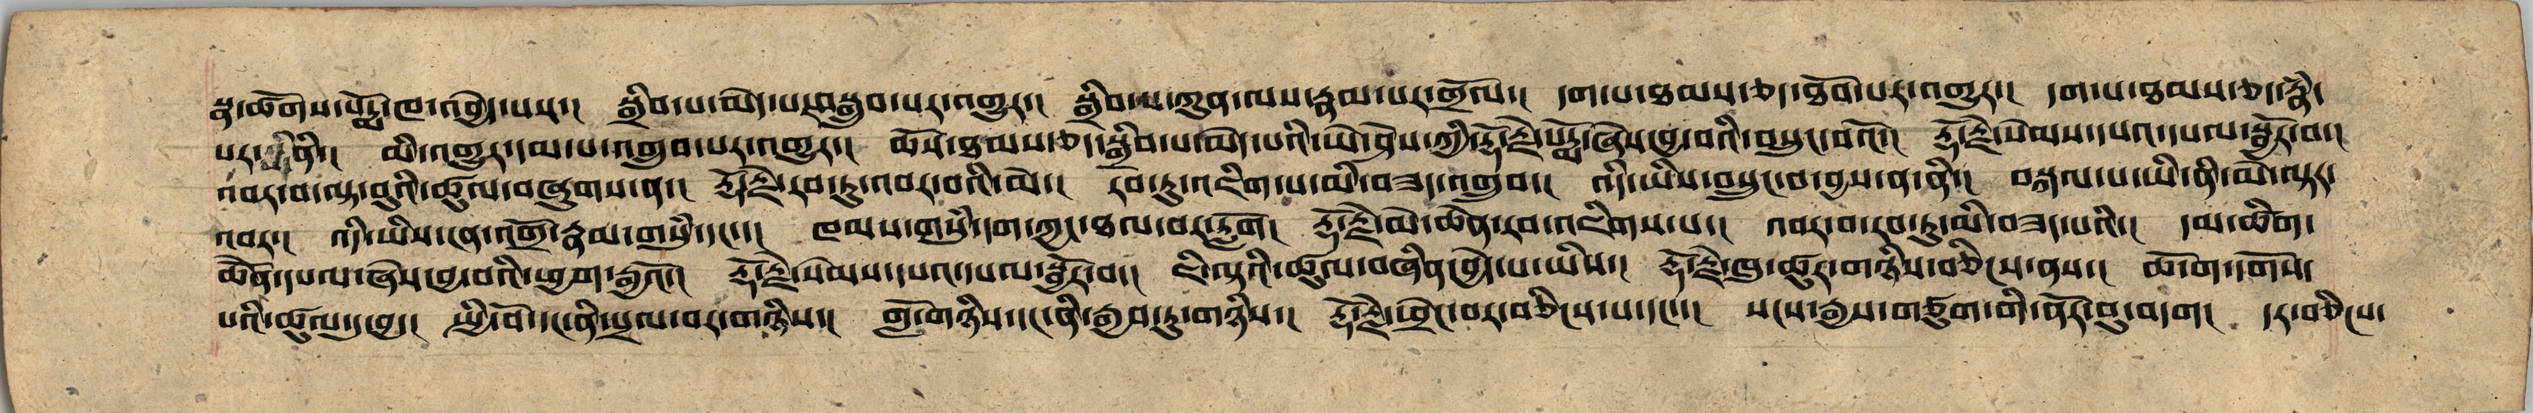སྣ་ཚོགས་པདྨོ་ཁ་འབྱེད་པས་། སྒྲིབ་པ་མེད་པར་བསྒྲུབ་པར་འགྱུར་། སྒྲིབ་པ་ཀུན་ལས་རྣམ་པར་གྲོལ་། དག་པ་ཐམས་ཅད་ཐོབ་པར་འགྱུར་། དག་པ་ཐམས་ཅད་རྣཾ་
པར་སྨིནི་། མི་འགྱུར་དམ་པ་འགྲུབ་པར་འགྱུར་། ཆོས་ཐམས་ཅད་སྒྲིབ་པ་མེད་པའི་ཡེ་ཤེས་ཀྱི་རྡོ་རྗེ་པདྨོ་ཞེས་བྱ་བའི་བསྲུང་བའོ་། རྡོ་རྗེ་སེམས་དཔའ་དཔལ་སྦྱོར་བ་།
འབར་བ་ལྟ་བུའི་ཚུལ་བཞུགས་ན་། རྡོ་རྗེ་རབ་ཏུ་འབར་བའི་མེ་། རབ་ཏུ་འཇིག་པ་མི་བཟད་འགྲུབ་། འདི་ཡིས་བསྲུང་བ་བྱས་ན་ནི་། བསྐལ་པ་ཡི་ནི་མེ་ལྟར་
འབར་། འདི་ཡིས་ངན་འགྲོ་རྣམ་གསུཾ་དང་་། ཁམས་གསུཾ་དག་ཀྱང་ཐལ་བར་རློག། རྡོ་རྗེ་མེ་ཆེན་རབ་འཇིགས་པ་། འབར་བ་རབ་ཏུ་མི་བཟད་པའི་། དམ་ཚིག་
ཆེནོ་དཔལ་ཞེས་བྱ་བའི་ཕྱག་རྒྱའོ་། རྡོ་རྗེ་སེམས་དཔའ་དཔལ་སྦྱོར་བ་། ཇི་ལྟའི་ཚུལ་བཞིན་བྱེད་པ་ཡིས་། རྡོ་རྗེ་ཁུ་ཚུར་གཉིས་བཅིངས་ནས་། མདོག་དགོས་
པའི་ཚུལ་དུ་བྱ་། སྤྱི་བོ་དང་ནི་དཔྲལ་བར་གཉིས་། གློ་གཉིས་དང་ནི་རྒྱབ་ཏུ་གཉིས་། རྡོ་རྗེ་ཕྲེང་བར་བཅིངས་པ་དང་་། སངས་རྒྱས་གཙུག་གི་ནོར་བུ་བདག། དར་བཅིངས་